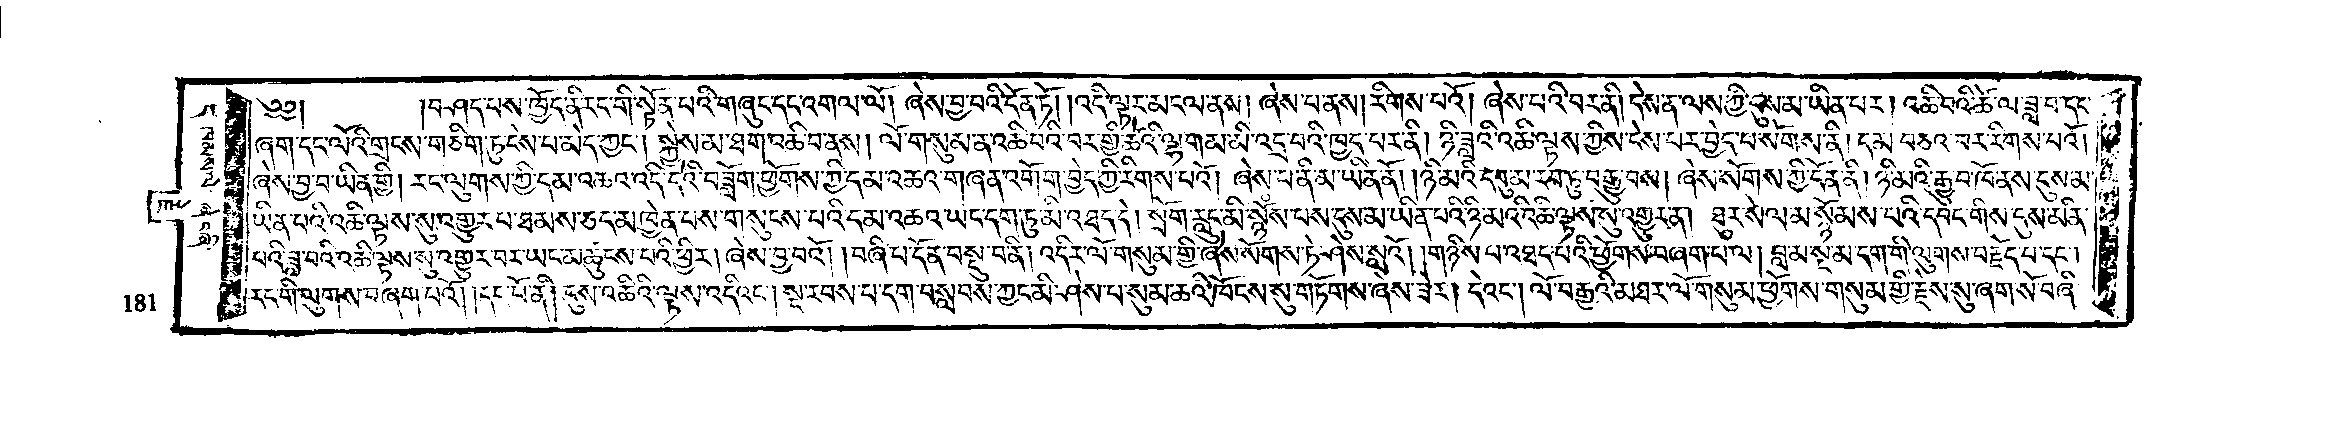༄༅། །བཤད་པས་ཁྱོད་ནི་རང་གི་སྟོན་པའི་གཞུང་དང་འགལ་ལོ། ཞེས་བྱ་བའི་དོན་ཏོ། །འདི་ལྟར་མངལ་ནས། ཞེས་པ་ནས། རིགས་པའོ། ཞེས་པའི་བར་ནི། དེས་ན་ལས་ཀྱི་དུས་མ་ཡིན་པར། འཆི་བའི་ཚེ་ལ་ཟླ་བ་དང་
ཞག་དང་ལོའི་གྲངས་གཅིག་ཏུ་ངེས་པ་མེད་ཀྱང་། སྐྱེས་མ་ཐག་འཆི་བ་ནས། ལོ་གསུམ་ན་འཆི་བའི་བར་གྱི་ཚེའི་ལྷག་མ་མི་འདྲ་བའི་ཁྱད་པར་ནི། ཉི་ཟླའི་འཆི་ལྟས་ཀྱིས་ངེས་པར་བྱེད་པ་སོགས་ནི། དམ་བཅའ་བར་རིགས་པའོ།
ཞེས་བྱ་བ་ཡིན་གྱི། རང་ལུགས་ཀྱི་དམ་འཆའ་འདི་དེའི་བཟློག་ཕྱོགས་ཀྱི་དམ་འཆའ་གཞན་འགོག་བྱེད་ཀྱི་རིགས་པའོ། ཞེས་པ་ནི་མ་ཡིན་ནོ། །ཉི་མའི་དབུ་མ་རབ་ཏུ་བརྒྱུ་བས། ཞེས་སོགས་ཀྱི་དོན་ནི། ཉི་མའི་རྒྱུ་བ་ཁོ་ནས་དུས་མ་
ཡིན་པའི་འཆི་ལྟས་སུ་འགྱུར་པ་ཐམས་ཅད་མཁྱེན་པས་གསུངས་པའི་དམ་འཆའ་ཡང་དག་ཏུ་མི་འཐད་དེ། སྲོག་རླུང་མི་སྙོམས་པས་དུས་མ་ཡིན་པའི་ཉི་མའི་འཆི་ལྟས་སུ་འགྱུར་ན། ཐུར་སེལ་མ་སྙོམས་པའི་དབང་གིས་དུས་མིན་
པའི་ཟླ་བའི་འཆི་ལྟས་སུ་འགྱུར་བར་ཡང་མཚུངས་པའི་ཕྱིར། ཞེས་བྱ་བའོ། །བཞི་པ་དོན་བསྡུ་བ་ནི། འདིར་ལོ་གསུམ་གྱི་ཞེས་སོགས་ཏེ་ཤེས་སླའོ། །གཉིས་པ་འཐད་པའི་ཕྱོགས་བཞག་པ་ལ། བླ་མ་སྔ་མ་དག་གི་ལུགས་བརྗོད་པ་དང་།
རང་གི་ལུགས་བཞག་པའོ། །དང་པོ་ནི། དུས་འཆིའི་ལྟས་འདིའང་། སྔ་རབས་པ་དག་བསླབས་ཀྱང་མི་ཤེས་པ་སུམ་ཆའི་ཁོངས་སུ་གཏོགས་ཞེས་ཟེར། དེའང་། ལོ་བརྒྱའི་མཐར་ལོ་གསུམ་ཕྱོགས་གསུམ་གྱི་རྗེས་སུ་ཞག་སོ་བཞི་